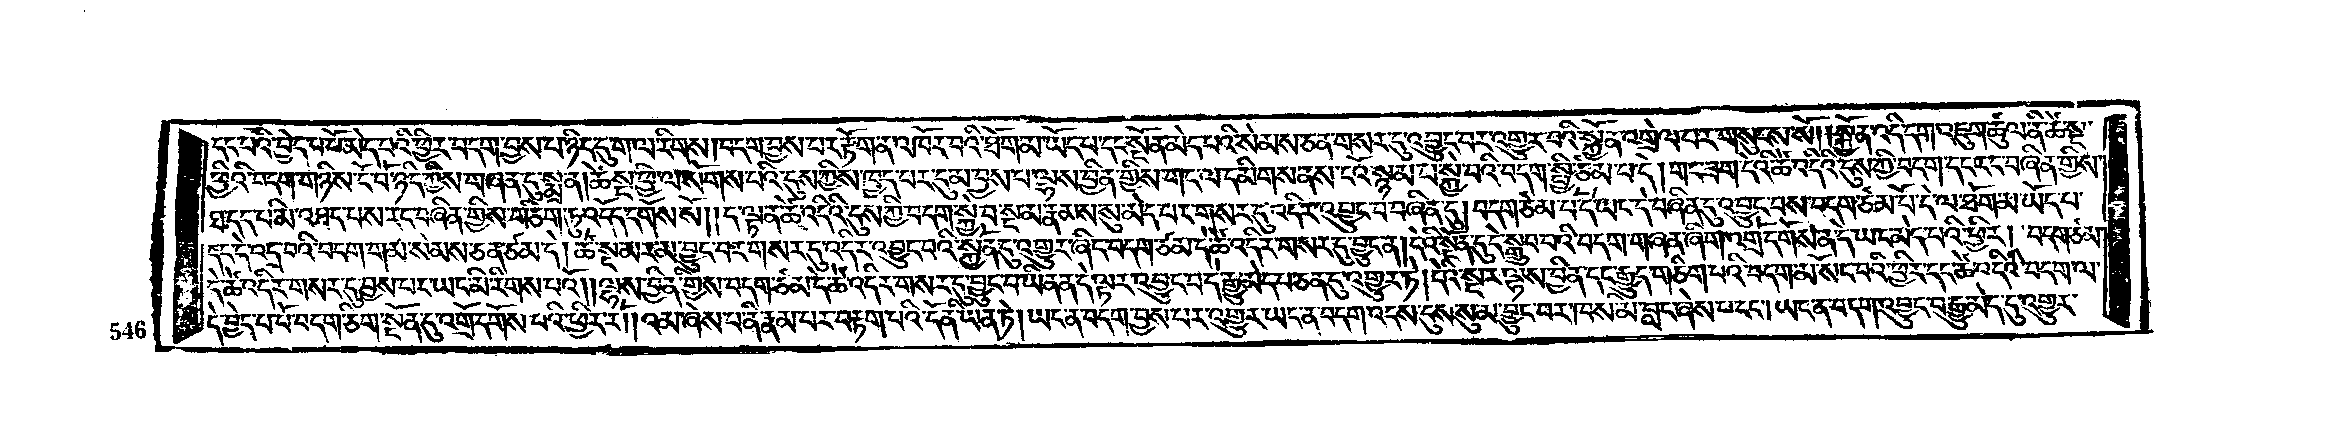དད་པའི་བྱེད་པ་པོ་མེད་པའི་ཕྱིར་བདག་བྱས་པ་ཉིད་དུ་ག་ལ་རིགས། བདག་བྱས་པར་རྟོག་ན་འཁོར་བའི་ཐོག་མ་ཡོང་བ་དང་སྔོན་མེད་པའི་སེམས་ཅན་གསར་དུ་འབྱུང་བར་འགྱུར་བའི་སྐྱོན་འགྲེལ་པར་གསུངས་སོ། །སྐྱོན་འདི་དག་འཇུག་ཚུལ་ནི་ཚེ་སྔ་
ཕྱིའི་བདག་གཉིས་ངོ་བོ་ཉིད་ཀྱིས་གཞན་དུ་སྨ་ན། ཚེ་སྔ་ཕྱི་ལ་སོགས་པའི་དུས་ཀྱིས་ཁྱད་པ་དུ་མ་བྱས་པ་ལྷས་བྱིན་གྱིས་གང་ལ་དམིགས་ནས་ངའོ་སྙམ་པ་སྐྱེ་བའི་བདག་སྤྱི་ཙམ་པ་དེ། གང་ཟག་དེའི་ཚེ་འདིའི་དུས་ཀྱི་བདག་དང་རང་བཞིན་ཡིས་
ཐ་དད་པ་མི་འཐད་པས་རང་བཞིན་གྱིས་གཅིག་ཏུ་འདོད་དགོས་སོ། །དེ་ལྟ་ན་ཚེ་འདིའི་དུས་ཀྱི་བདག་སྐྱེ་བ་སྔ་མ་རྣམས་སུ་མེད་པར་གསར་དུ་འདིར་འབྱུང་བ་བཞིན་དུ། བདག་ཙམ་པ་དེ་ཡང་དེ་བཞིན་དུ་འབྱུང་བས་བདག་ཙམ་པོ་དེ་ལ་ཐོག་མ་ཡོད་པ་
དང་དེ་འདྲ་བའི་བདག་གམ་སེམས་ཅན་ཙམ་དེ། ཚེ་སྔ་མར་མ་བྱུང་བར་གསར་དུ་འདིར་འབྱུང་བའི་སྐྱོན་དུ་འགྱུར་ཞིང་བདག་ཙམ་དེ་ཚེ་འདིར་གསར་དུ་བྱུང་ན། དེའི་སྔོན་དུ་དེ་སྒྲུབ་པའི་བདག་གཞན་ཞིག་འགྲོ་དགོས་ན་དེ་ཡང་མེད་པའི་ཕྱིར། བདག་ཙམ་
དེ་ཚེ་འདིར་གསར་དུ་བྱས་པར་ཡང་མི་རིགས་པའོ། །ལྷས་བྱིན་གྱིས་བདག་ཙམ་དེ་ཚེ་འདིར་གསར་དུ་བྱུང་བ་ཡིན་ན་དེ་ལྟར་འབྱུང་བ་དེ་རྒྱུ་མེད་པ་ཅན་དུ་འགྱུར་ཏེ། དེའི་སྔར་ལྷས་བྱིན་དང་རྒྱུད་གཅིག་པའི་བདག་མ་སོང་བའི་ཕྱིར་དང་ཚེ་འདིའི་བདག་ལ་
དེ་བྱེད་པ་པོ་བདག་ཅིག་སྔོན་དུ་འགྲོ་དགོས་པའི་ཕྱིར་རོ། །འམ་ཞེས་པ་ནི་རྣམ་པར་བརྟག་པའི་དོན་ཡིན་ཏེ། ཡང་ན་བདག་བྱས་པར་འགྱུར་ཡང་ན་བདག་འདུས་སུམ་བྱུང་བར་ཁས་མི་བླང་ཞེས་པ་དང་། ཡང་ན་བདག་འབྱུང་བ་རྒྱུ་མེད་དུ་འགྱུར་